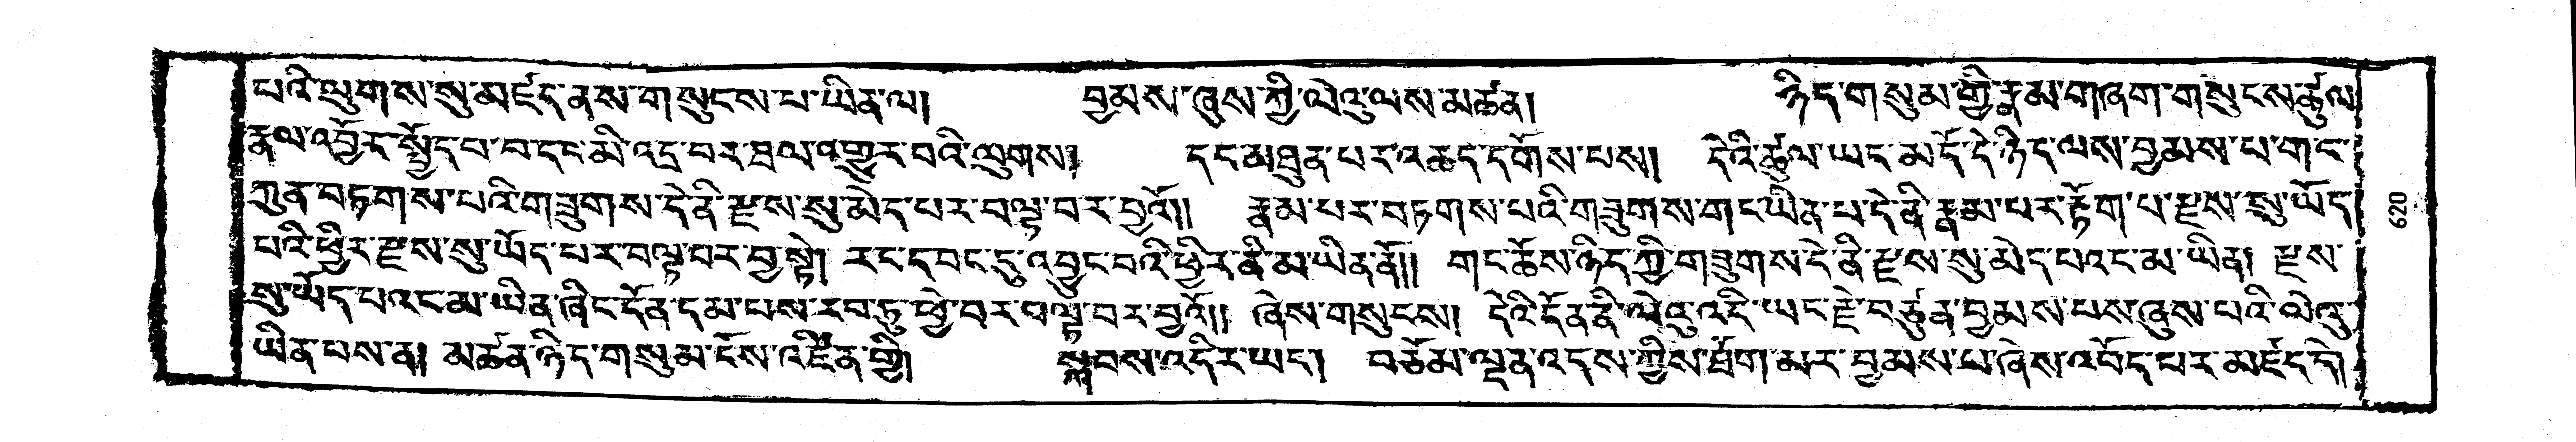པའི་ལུགས་སུ་མཛད་ནས་གསུངས་པ་ཡིན་ལ། བྱམས་ཞུས་ཀྱི་ལེའུ་ལས་མཚན། ཉིད་གསུམ་གྱི་རྣམ་གཞག་གསུངས་ཚུལ་
རྣལ་འབྱོར་སྤྱོད་པ་བ་དང་མི་འདྲ་བར་ཐལ་འགྱུར་བའི་ལུགས། དང་མཐུན་པར་འཆད་དགོས་པས། དེའི་ཚུལ་ཡང་མདོ་དེ་ཉིད་ལས་བྱམས་པ་གང་
ཀུན་བཏགས་པའི་གཟུགས་དེ་ནི་རྫས་སུ་མེད་པར་བལྟ་བར་བྱའོ།། རྣམ་པར་བཏགས་པའི་གཟུགས་གང་ཡིན་པ་དེ་ནི་རྣམ་པར་རྟོག་པ་རྫས་སུ་ཡོད་
པའི་ཕྱིར་རྫས་སུ་ཡོད་པར་བལྟ་བར་བྱ་སྟེ། རང་དབང་དུ་འབྱུང་བའི་ཕྱིར་ནི་མ་ཡིན་ནོ།། གང་ཆོས་ཉིད་ཀྱི་གཟུགས་དེ་ནི་རྫས་སུ་མེད་པའང་མ་ཡིན། རྫས་
སུ་ཡོད་པའང་མ་ཡིན་ཞིང་དོན་དམ་པས་རབ་ཏུ་ཕྱེ་བར་བལྟ་བར་བྱའོ།། ཞེས་གསུངས། དེའི་དོན་ནི་ལེའུ་འདི་ཡང་རྗེ་བཙུན་བྱམས་པས་ཞུས་པའི་ལེའུ་
ཡིན་པས་ན། མཚན་ཉིད་གསུམ་ངོས་འཛིན་གྱི། སྐབས་འདིར་ཡང་། བཅོམ་ལྡན་འདས་ཀྱིས་ཐོག་མར་བྱམས་པ་ཞེས་འབོད་པར་མཛད་དེ།